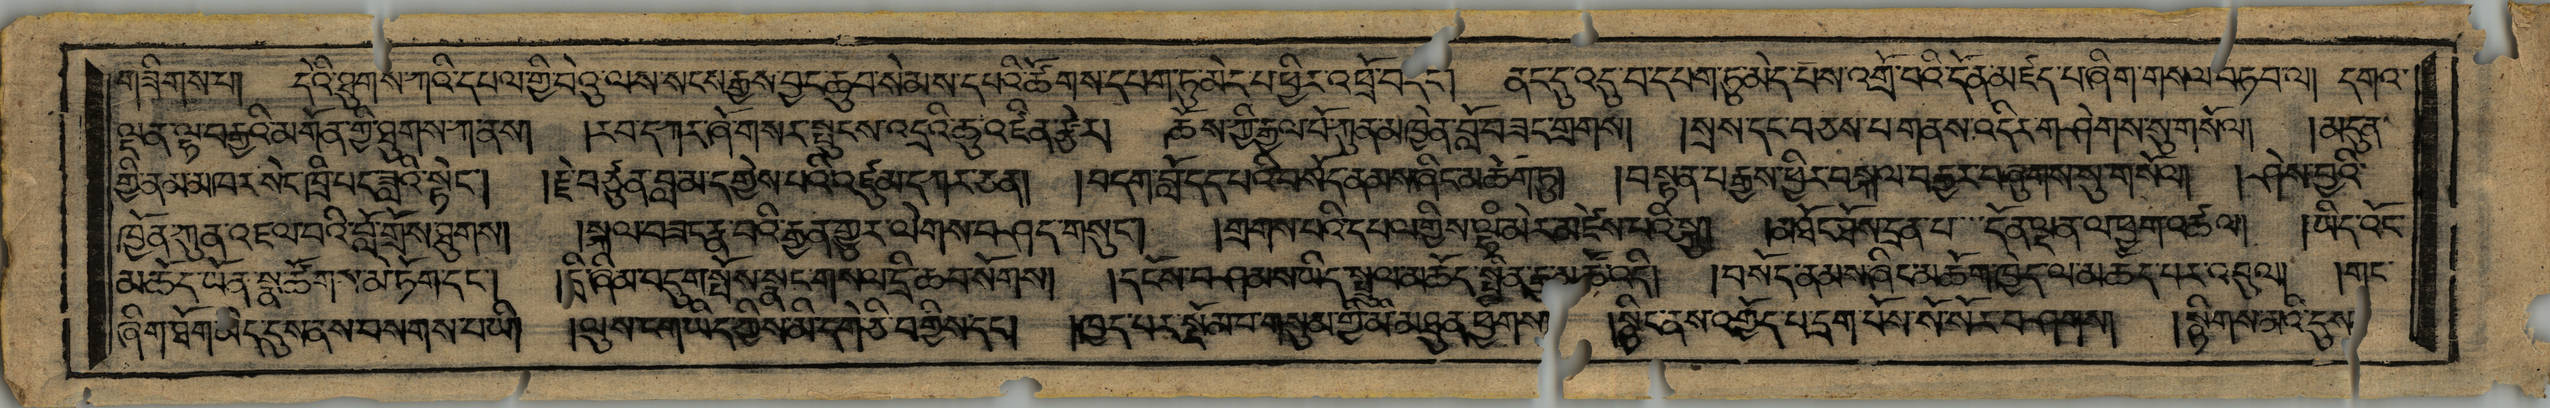གཟིགས་པ། དེའི་ཐུགས་ཀའི་དཔལ་གྱི་བེའུ་ལས་སངས་རྒྱས་བྱང་ཆུབ་སེམས་དཔའི་ཚོགས་དཔག་ཏུ་མེད་པ་ཕྱིར་འཕྲོ་བ་དང་། ནང་དུ་འདུ་བ་དཔག་ཏུ་མེད་པས་འགྲོ་བའི་དོན་མཛད་པ་ཞིག་གསལ་བཏབ་ལ། དགའ་
ལྡན་ལྷ་བརྒྱའི་མགོན་གྱི་ཐུགས་ཀ་ནས། །རབ་དཀར་ཞོ་གསར་སྤུངས་འདྲའི་ཆུ་འཛིན་རྩེར། །ཆོས་ཀྱི་རྒྱལ་པོ་ཀུན་མཁྱེན་བློ་བཟང་གྲགས། །སྲས་དང་བཅས་པ་གནས་འདིར་གཤེགས་སུ་གསོལ། །མདུན་
གྱི་ནམ་མཁར་སེང་ཁྲི་པད་ཟླའི་སྟེང་། །རྗེ་བཙུན་བླ་མ་དགྱེས་པའི་འཛུམ་དཀར་ཅན། །བདག་བློ་དད་པའི་བསོད་ནམས་ཞིང་མཆོག་ཏུ། །བསྟན་པ་རྒྱས་ཕྱིར་བསྐལ་བརྒྱར་བཞུགས་སུ་གསོལ། །ཤེས་བྱའི་
ཁྱོན་ཀུན་འཇལ་བའི་བློ་གྲོས་ཐུགས། །སྐལ་བཟང་རྣ་བའི་རྒྱན་གྱུར་ལེགས་བཤད་གསུང་། །གྲགས་པའི་དཔལ་གྱིས་ལྷཾ་མེར་མཛེས་པའི་སྐུ། །མཐོང་ཐོས་དྲན་བ་དོན་ལྡན་ལ་ཕྱག་འཚལ། །ཡིད་འོང་
མཆོད་ཡོན་སྣ་ཚོགས་མེ་ཏོག་དང་། །དྲི་ཞིམ་བདུག་སྤོས་སྣང་གསལ་དྲི་ཆབ་སོགས། །དངོས་བཤམས་ཡིད་སྒྲུལ་མཆོད་སྦྱིན་རྒྱ་མཚོ་འདི། །བསོད་ནམས་ཞིང་མཆོག་ཁྱེད་ལ་མཆོད་བར་འབུལ། །གང་
ཞིག་ཐོག་མེད་དུས་ནས་བསགས་པ་ཡི། །ལུས་ངག་ཡིད་ཀྱིས་མི་དགེ་ཅི་བགྱིས་དང་། །ཁྱད་པར་སྡོམ་པ་གསུམ་གྱི་མི་མཐུན་ཕྱོགས། །སྙིང་ནས་འགྱོད་པ་དྲག་པོས་སོ་སོར་བཤགས། །སྙིགས་མའི་དུས་